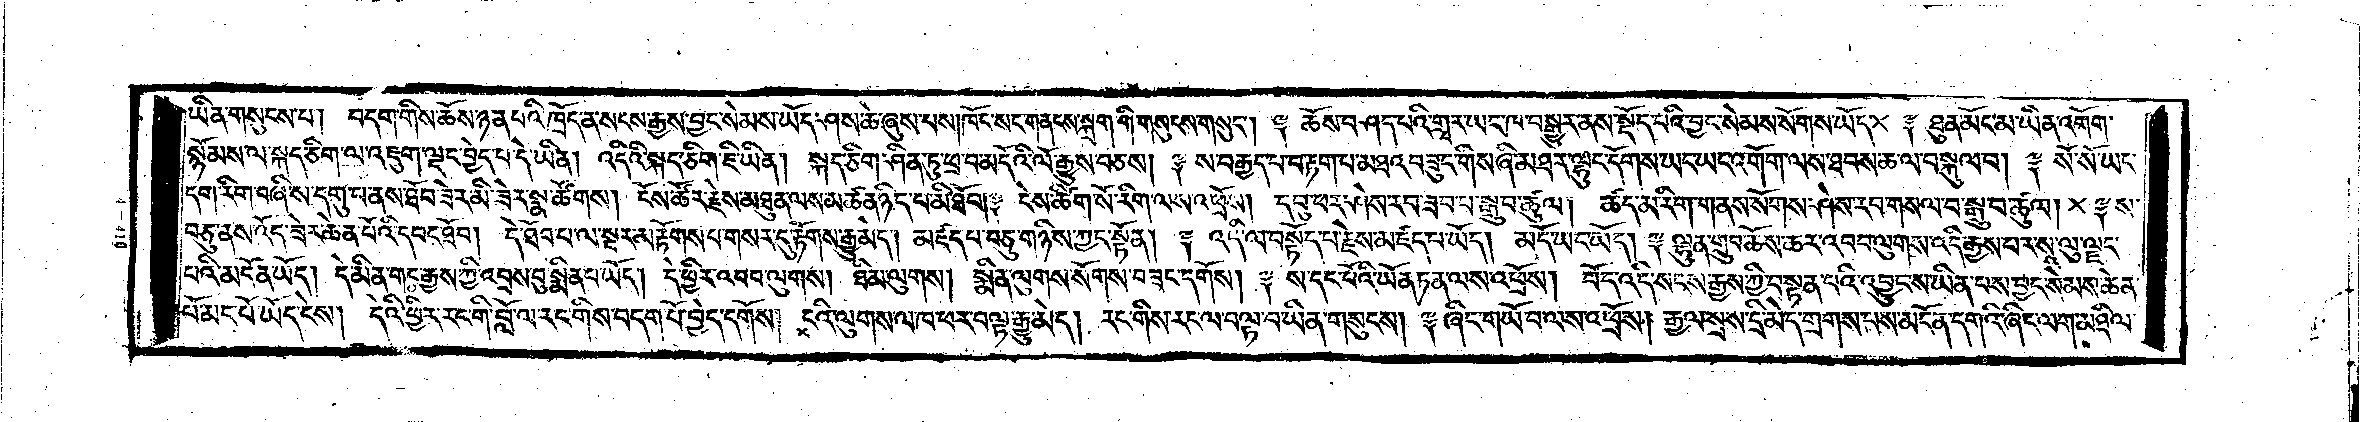ཡིན་གསུངས་པ། བདག་གིས་ཆོས་ཉན་པའི་ཁྲོད་ན་སངས་རྒྱས་བྱང་སེམས་ཡོད་ཤས་ཆེ་ཞུས་པས་།ཁོང་སང་གནངས་སྐྲག་གི་གསུངས་གསུང་། ༈ ཆོས་བཤད་པའི་གྲྭར་ཡང་ཁ་བསྒྱུར་ནས་སྡོད་པའི་བྱང་སེམས་སོགས་ཡོད་྾་༈ ཐུན་མོང་མ་ཡིན་འགོག་
སྙོམས་ལ་སྐད་ཅིག་ལ་འཇུག་ལྡང་བྱེད་པ་དེ་ཡིན། འདིའི་སྐད་ཅིག་ཇི་ཡིན། སྐད་ཅིག་ཤིན་ཏུ་ཕྲ་བ་མདོའི་ལོ་རྒྱུས་བཅས། ༈ ས་བརྒྱད་པ་བརྟག་པ་མཐའ་བཟུང་གིས་ཞི་མཐར་ལྷུང་དོགས་ཡང་ཡང་འགོག་ལས་ཐབས་ཆ་ལ་བསྐུལ་བ། ༈ སོ་སོ་ཡང་
དག་རིག་བཞིས་དགུ་པ་ནས་ཐོབ་ཟེར་མི་ཟེར་སྣ་ཚོགས། ངོས་ཚོར་རྗེས་མཐུན་ལས་མཚན་ཉིད་པ་མི་ཐོབ། ༈ ངེས་ཚིག་སོ་རིག་ལས་འཕྲོས། དབུ་ཕར་ཤེས་རབ་ཟབ་པ་སྒྲུབ་ཚུལ། ཚད་མ་རིག་གནས་སོགས་ཤེས་རབ་གསལ་བ་སྒྲུབ་ཚུལ། ྾་༈ ས་
བཅུ་ནས་འོད་ཟེར་ཆེན་པོའི་དབང་ཐོབ། དེ་ཐོབ་པ་ལ་སྔར་མ་རྟོགས་པ་གསར་དུ་རྟོགས་རྒྱུ་མེད། མཛད་པ་བཅུ་གཉིས་ཀྱང་སྟོན། ༈ འདི་ལ་བསྟོད་པ་རྗེས་མཛད་པ་ཡོད། མདོ་ཡང་ཡོད། ༈ ལྷུན་གྲུབ་ཆོས་ཆར་འབབ་ལུགས་འདི་རྒྱས་པར་སཱ་ལུ་ལྗང་
པའི་མདོན་ཡོད། དེ་མིན་གང྾་རྒྱས་ཀྱི་འབྲས་བུ་སྨིན་པ་ཡོད། དེ་ཕྱིར་འབབ་ལུགས། ཐིམ་ལུགས། སྨིན་ལུགས་སོགས་བཟང་དགོས། ༈ ས་དང་པོའི་ཡོན་ཏན་ལས་འཕྲོས། བོད་འདི་སངས་རྒྱས་ཀྱི་བསྟན་པའི་འབྱུང་ས་ཡིན་པས་བྱང་སེམས་ཆེན་
པོ་མང་པོ་ཡོད་ངེས། དེའི་ཕྱིར་རང་གི་བློ་ལ་རང་གིས་བདག་པོ་བྱེད་དགོས། ངའི་ལུགས་ལ་ཁ་ཕར་བལྟ་རྒྱུ་མེད། རང་གིས་རང་ལ་བལྟ་བ་ཡིན་གསུངས། ༈ ཞིང་གཡོ་བ་ལས་འཕྲོས། རྒྱལ་སྲས་དྲི་མེད་གྲགས་པས་མངོན་དགའི་ཞིང་ལག་མཐིལ་